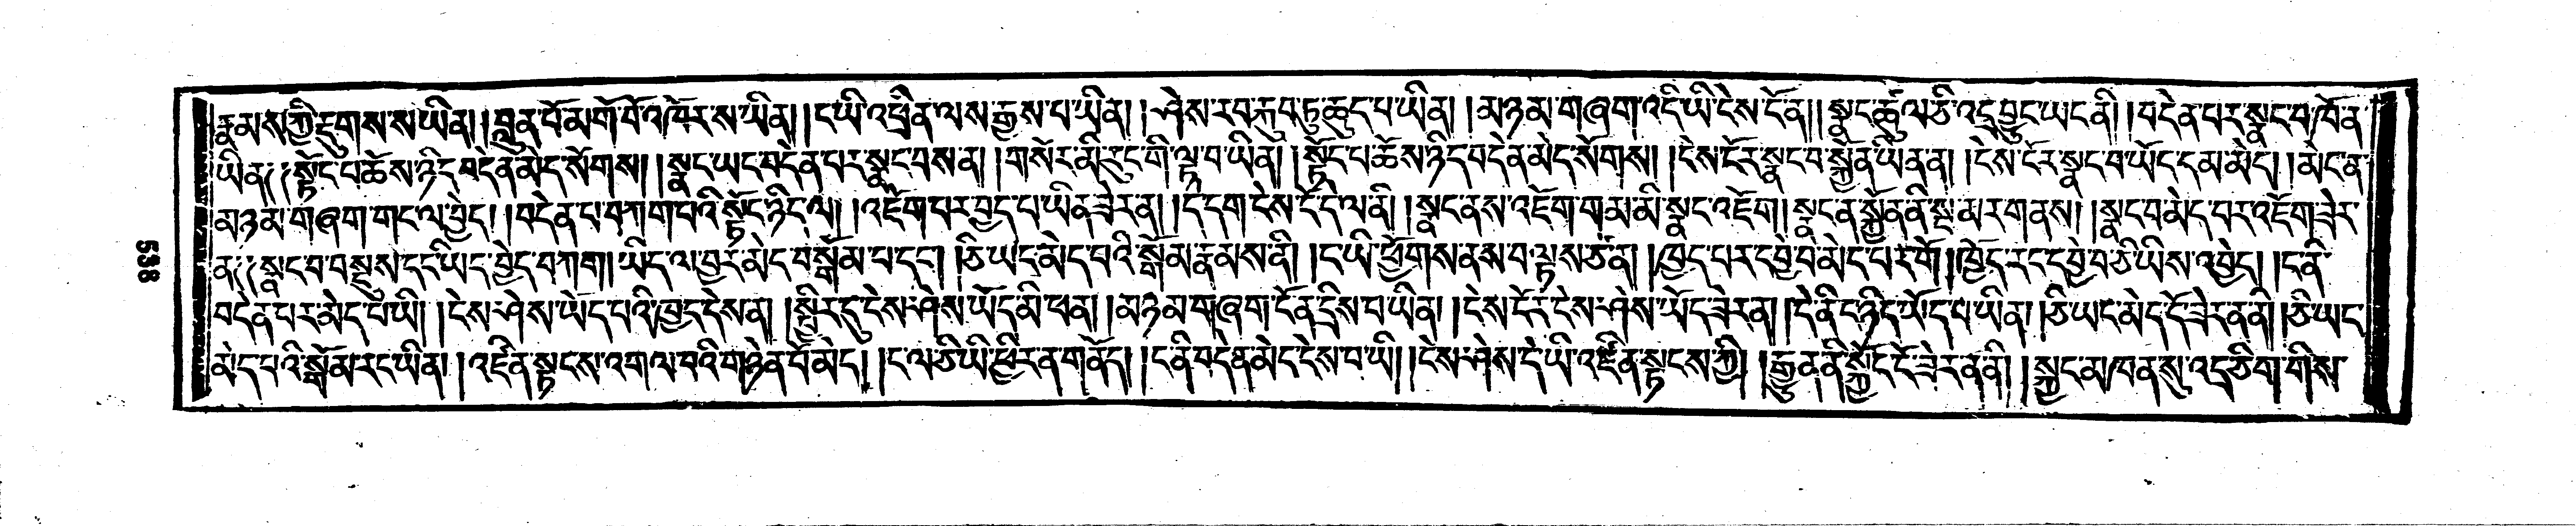རྣམས་ཀྱི་རྡུགས་ས་ཡིན། །བླུན་པོ་མགོ་བོ་འཁོར་ས་ཡིན། །ང་ཡི་འཕྲིན་ལས་རྒྱས་པ་ཡིན། །ཤེས་རབ་རྐུབ་ཏུ་ཆུད་པ་ཡིན། །མཉམ་གཞག་འདི་ཡི་ངེས་ངོ་ན། །སྣང་ཚུལ་ཅི་འདྲ་བྱུང་ཡང་ནི། །བདེན་པར་སྣང་བ་ཁོ་ན་
ཡིན༑ ༑སྟོང་པ་ཆོས་ཉིད་བདེན་མེད་སོགས། །སྣང་ཡང་བདེན་པར་སྣང་བས་ན། །གསོར་མི་རུང་གི་ལྟ་བ་ཡིན། །སྟོང་པ་ཆོས་ཉིད་བདེན་མེད་སོགས། །ངེས་ངོར་སྣང་བ་སྐྱོན་ཡིན་ན། །ངེས་ངོར་སྣང་བ་ཡོད་དམ་མེད། །མེད་ན་
མཉམ་གཞག་གང་ལ་བྱེད། །བདེན་པ་བཀག་པའི་སྟོང་ཉིད་ལ། །འཇོག་པར་བྱེད་པ་ཡིན་ཟེར་ན། །དེ་དག་ངེས་ངོ་དེ་ལ་ནི། །སྣང་ནས་འཇོག་གམ་མི་སྣང་འཇོག །སྣང་ན་སྐྱོན་ནི་སྔ་མར་གནས། །སྣང་བ་མེད་པར་འཇོག་ཟེར་
ན༑ ༑སྣང་བ་བསྡུས་དང་ཡིད་བྱེད་བཀག། ཡིད་ལ་བྱར་མེད་བསྒོམ་པ་དང་། །ཅི་ཡང་མེད་པའི་སྒོམ་རྣམས་ནི། །ང་ཡི་ཕྱོགས་ནས་བལྟས་ཙ་ན། །ཁྱད་པར་དབྱེ་བ་མེད་པར་གོ །ཁྱོད་རང་དབྱེ་བ་ཅི་ཡིས་འབྱེད། །ང་ནི་
བདེན་པར་མེད་པ་ཡི། །ངེས་ཤེས་ཡོད་པའི་ཁྱད་དེས་ན། །སྤྱིར་དུ་ངེས་ཤེས་ཡོད་མི་ཕན། །མཉམ་གཞག་ངོ་ན་དྲིས་པ་ཡིན། །ངེས་ངོར་ངེས་ཤེས་ཡོད་ཟེར་ན། །དེ་ནི་ང་ཉིད་ཡོད་པ་ཡིན། །ཅི་ཡང་མེད་དོ་ཟེར་ན་ནི། །ཅི་ཡང་
མེད་པའི་སྒོམ་རང་ཡིན། །འཛིན་སྟངས་འགལ་བའི་གཉེན་པོ་མེད། །ང་ལ་ཅི་ཡི་ཕྱིར་ན་གནོད། །ང་ནི་བདེན་མེད་ངེས་པ་ཡི། །ངེས་ཤེས་དེ་ཡི་འཛིན་སྟངས་ཀྱི། །རྒྱུ་ནི་སྐྱོང་ངོ་ཟེར་ན་ནི། །སྐྱོང་མཁན་སུ་འདྲ་ཅིག་གིས་